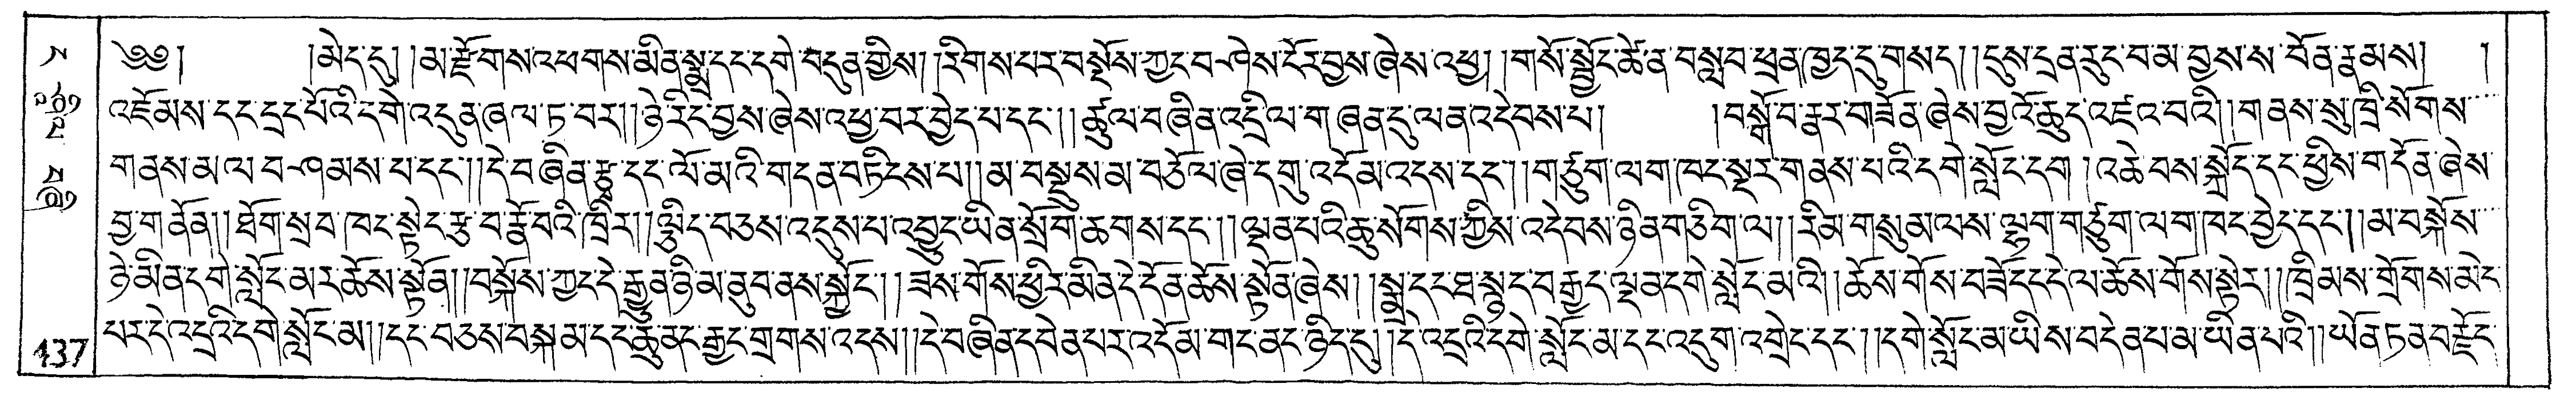༄༅། །མེད་དུ། །མ་རྫོགས་འཕགས་མིན་སྨྲ་དང་དགེ་བདུན་གྱིས། །རིགས་པར་བསྔོས་ཀྱང་བཤེས་ངོར་བྱས་ཞེས་འཕྱ། །གསོ་སྦྱོང་ཚེ་ན་བསླབ་ཕྲན་ཁྱད་དུ་གསད། །དུས་དྲན་རུང་བ་མ་བྱས་ས་བོན་རྣམས། །
འཇོམས་དང་དྲང་པོའི་དགེ་འདུན་ཞལ་ཏ་བར། །ཉེ་རིང་བྱས་ཞེས་འཕྱ་བར་བྱེད་པ་དང་། །ཚུལ་བཞིན་འདྲི་ལ་གཞན་དུ་ལན་འདེབས་པ། །བསྒོ་བ་རྣར་གཟོན་ཞེས་བྱའོ་ཆུད་འཛའ་བའི། །གནས་སུ་ཁྲི་སོགས་
གནས་མལ་བཤམས་པ་དང་། །དེ་བཞིན་རྩྭ་དང་ལོ་མའི་གདན་བཏིངས་པ། །མ་བསྡུས་མ་བཅོལ་ཞེ་དགུ་འདོམ་འདས་དང་། །གཙུག་ལག་ཁང་སྔར་གནས་པའི་དགེ་སློང་དག །འཆེ་བས་སྐྲོད་དང་ཕྱིས་གདོན་ཞེས་
བྱ་གནོན། །ཐོག་སྲབ་ཁང་སྟེང་རྩ་བ་རྣོ་བའི་ཁྲིར། །ལྕིད་བཅས་འདུས་པ་འབྱུང་ཡིན་སྲོག་ཆགས་དང་། །ལྡན་པའི་ཆུ་སོགས་ཀྱིས་འདེབས་ཉིན་གཅིག་ལ། །རིམ་གསུམ་ལས་ལྷག་གཙུག་ལག་ཁང་བྱེད་དང་། །མ་བསྐོས་
ཉེ་མིན་དགེ་སློང་མར་ཆོས་སྟོན། །བསྐོས་ཀྱང་དེ་རྒྱུན་ཉི་མ་ནུབ་ནས་སྐྱོང་། །ཟས་གོས་ཕྱིར་མིན་དེ་དོན་ཆོས་སྟོན་ཞེས། །སྨྲ་དང་ཐ་སྙད་བརྒྱད་ལྡན་དགེ་སློང་མའི། །ཆོས་གོས་བཟོ་དང་དེ་ལ་ཆོས་གོས་སྟེར། །ཁྲིམས་གྲོགས་མེད་
པར་དེ་འདྲའི་དགེ་སློང་མ། །དང་བཅས་བསྐམ་དང་ཆུ་ནང་རྒྱང་གྲགས་འདས། །དེ་བཞིན་དབེན་པར་འདོམ་གང་ནང་ཉིད་དུ། །དེ་འདྲའི་དགེ་སློང་མ་དང་འདུག་འགྲེང་དང་། །དགེ་སློང་མ་ཡིས་བདེན་པ་མ་ཡིན་པའི། །ཡོན་ཏན་བརྗོད་